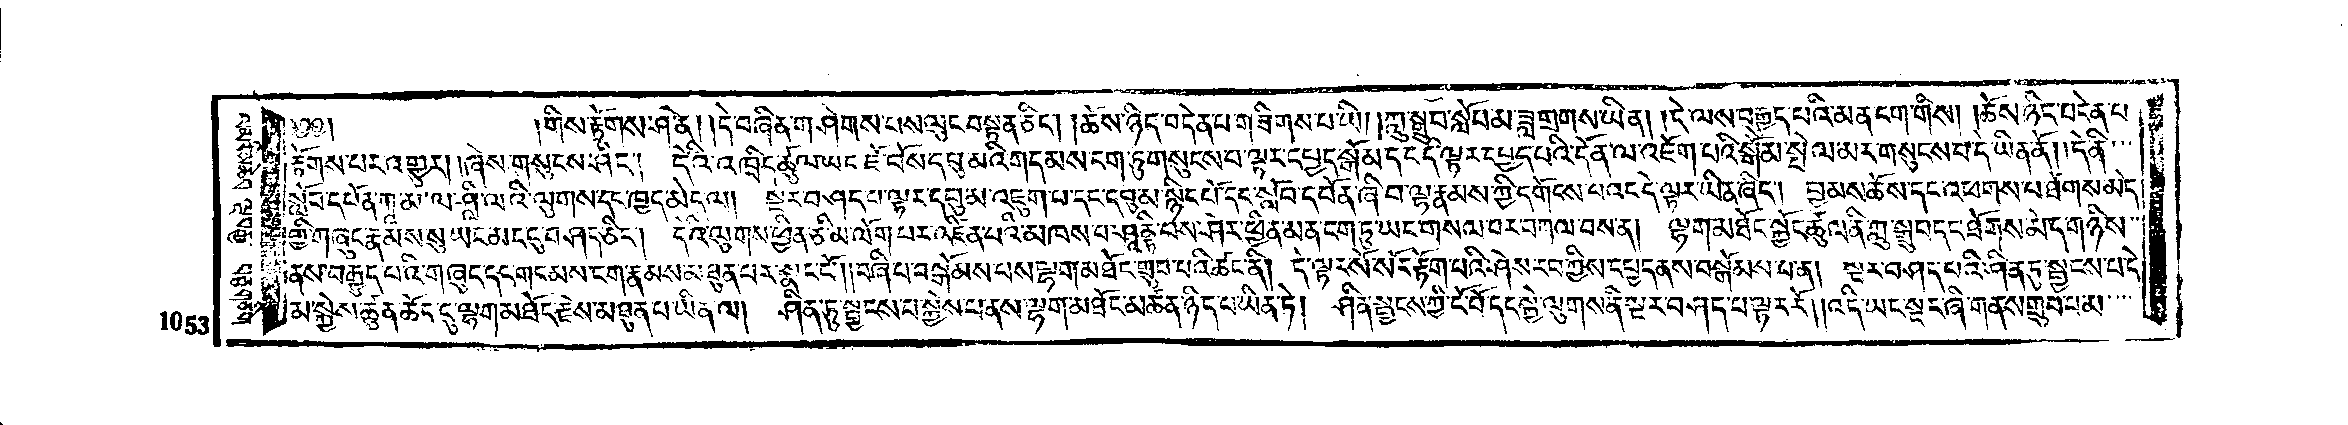༄༅། །གིས་རྟོགས་ཤེ་ན། །དེ་བཞིན་གཤེགས་པས་ལུང་བསྟན་ཅིང་། །ཆོས་ཉིད་བདེན་པ་གཟིགས་པ་ཡི། །ཀླུ་སྒྲུབ་སློབ་མ་ཟླ་གྲགས་ཡིན། །དེ་ལས་བརྒྱུད་པའི་མན་ངག་གིས། །ཆོས་ཉིད་བདེན་པ་
རྟོགས་པར་འགྱུར། །ཞེས་གསུངས་ཤིང་། དེའི་འཁྲིད་ཚུལ་ཡང་ཇོ་བོས་དབུ་མའི་གདམས་ངག་ཏུ་གསུངས་པ་ལྟར་དཔྱད་སྒོམ་དང་དེ་ལྟར་དཔྱད་པའི་དོན་ལ་འཇོག་པའི་སྒོམ་སྤེལ་མར་གསུངས་པ་དེ་ཡིན་ནོ། །དེ་ནི་
སློབ་དཔོན་ཀཱ་མ་ལ་ཤཱི་ལའི་ལུགས་དང་ཁྱད་མེད་ལ། སྔར་བཤད་པ་ལྟར་དབུ་མ་འཇུག་པ་དང་དབུ་མ་སྙིང་པོ་དང་སློབ་དཔོན་ཞི་བ་ལྷ་རྣམས་ཀྱི་དགོངས་པའང་དེ་ལྟར་ཡིན་ཞིང་། བྱམས་ཆོས་དང་འཕགས་པ་ཐོགས་མེད་
ཀྱི་གཞུང་རྣམས་སུ་ཡང་མང་དུ་བཤད་ཅིང་། དེའི་ལུགས་ཕྱིན་ཅི་མ་ལོག་པར་འཛིན་པའི་མཁས་པ་ཤཱནྟི་པས་ཤེར་ཕྱིན་མན་ངག་ཏུ་ཡང་གསལ་བར་བཀྲལ་བས་ན། ལྷག་མཐོང་སྐྱོང་ཚུལ་ནི་ཀླུ་སྒྲུབ་དང་ཐོགས་མེད་གཉིས་
ནས་བརྒྱུད་པའི་གཞུང་དང་གདམས་ངག་རྣམས་མཐུན་པར་སྣང་ངོ། །བཞི་པ་བསྒོམས་པས་ལྷག་མཐོང་གྲུབ་པའི་ཚད་ནི། དེ་ལྟར་སོ་སོར་རྟོག་པའི་ཤེས་རབ་ཀྱིས་དཔྱད་ནས་བསྒོམས་པ་ན། སྔར་བཤད་པའི་ཤིན་ཏུ་སྦྱངས་པ་དེ་
མ་སྐྱེས་ཚུན་ཆོད་དུ་ལྷག་མཐོང་རྗེས་མཐུན་པ་ཡིན་ལ། ཤིན་ཏུ་སྦྱངས་པ་སྐྱེས་པ་ནས་ལྷག་མཐོང་མཚན་ཉིད་པ་ཡིན་ཏེ། ཤིན་སྦྱངས་ཀྱི་ངོ་བོ་དང་སྐྱེ་ལུགས་ནི་སྔར་བཤད་པ་ལྟར་རོ། །འདི་ཡང་སྔར་ཞི་གནས་གྲུབ་པ་མ་